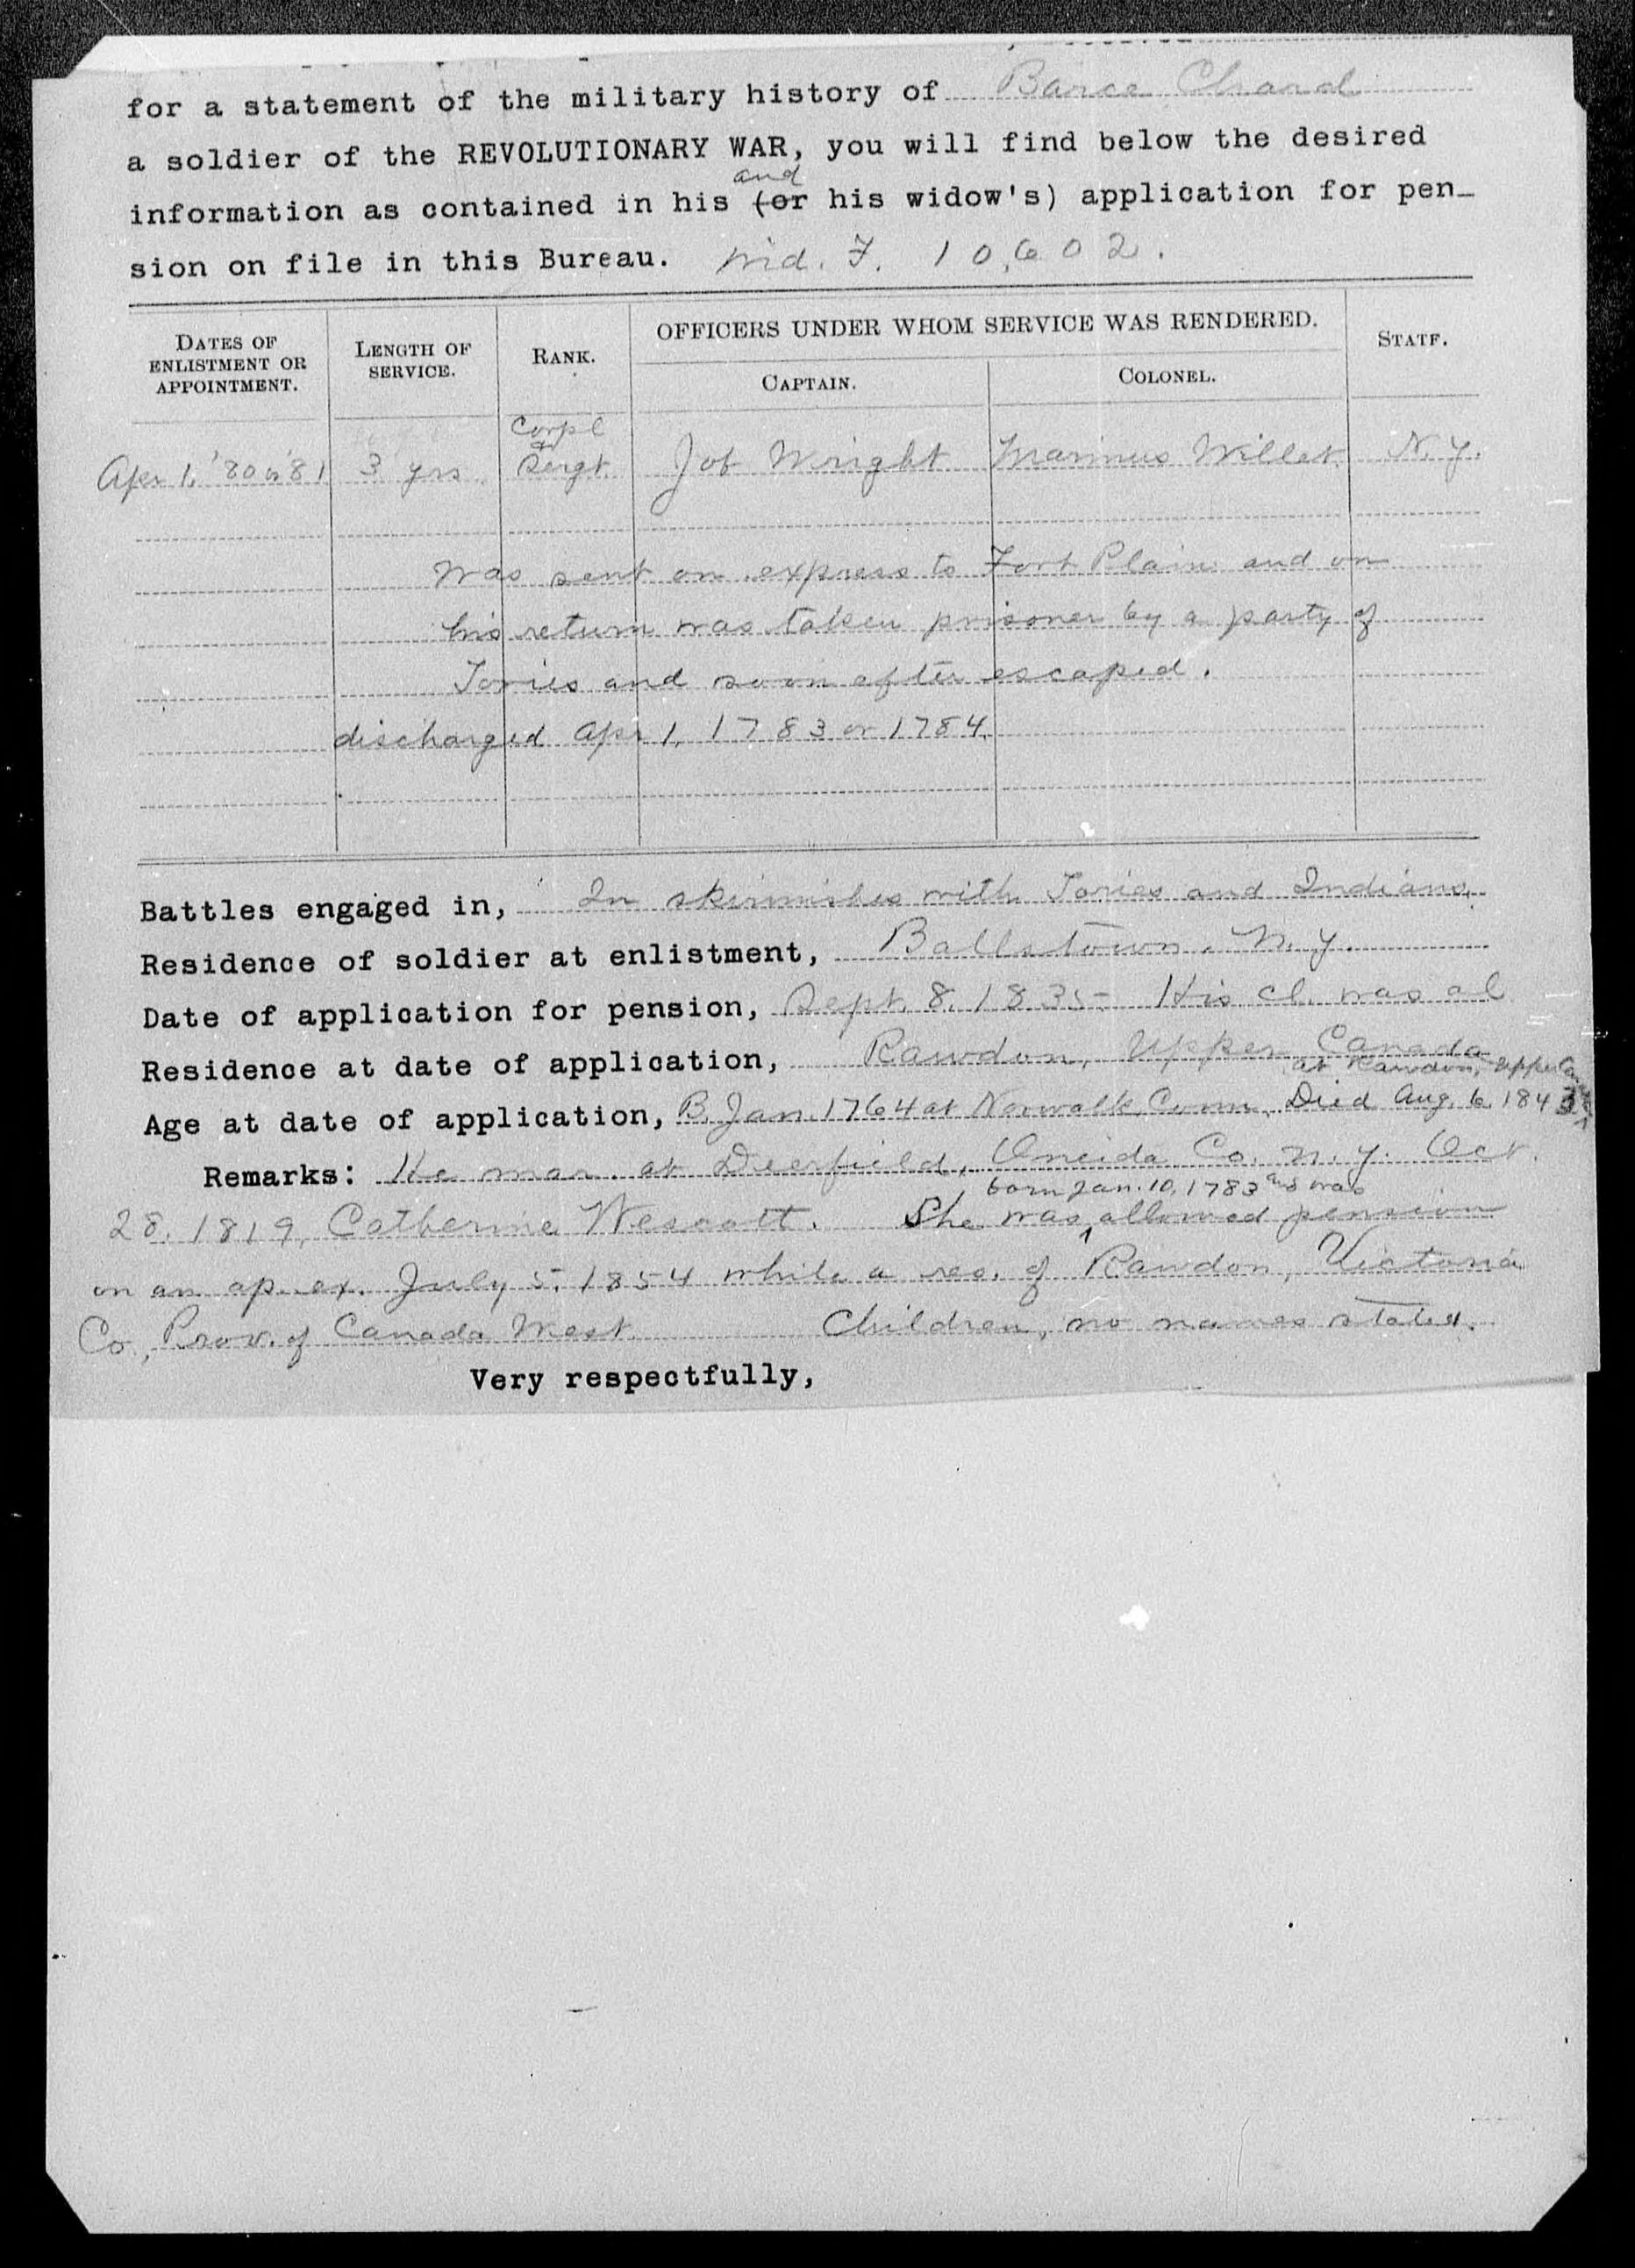for a statement of the military history of Barce Chard a soldier of the REVOLUTIONARY WAR, you will find below the desired information as contained in his (and his widow's) application for pension on file in this Bureau. Wid. F. 10,602. 
DATES OF ENLISTMENT OR APPOINTMENT | LENGTH OF SERVICE | RANK | OFFICERS UNDER WHOM SERVICE WAS RENDERED [CAPTAIN/COLONEL] | STATE 
Apr 1, '80 or '81 | 3 years | Corpl & Sergt | Capt Job Wright/Col Marinus Willet | NY
Was sent on express to Fort Plain and on his return was taken prisoner by a party of Tories and soon after escaped.
discharged Apr 1 1783 or 1784.
Battles engaged in, In skirmishes with Tories and Indians
Residence of soldier at enlistment, Ballstown, N.Y. [Ballston]
Date of application for pension, Sept 8 1832 His cl was al 
Residence at date of application, Rawdon, Upper Canada
Age at date of application, B Jan 1764 at Norwalk, Conn. Died Aug 6 1843 at Rawdon, Upper Canada 
Remarks: He mar[ried] at Deerfield, Oneida Co. N.Y. Oct  28, 1819, Catherine Wescott. She was born Jan 10, 1783 and was allowed pension on an ap. ex. July 5, 1854 while a res. of Rawdon, Victoria Co. Prov. of Canada West. Children, no names stated.
Very respectfully,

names: Marinus Willet, Barce Chard, Job Wright, Catherine Wescott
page: 21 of 47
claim: widow's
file: W. 10,602, Barce Chard, New York.